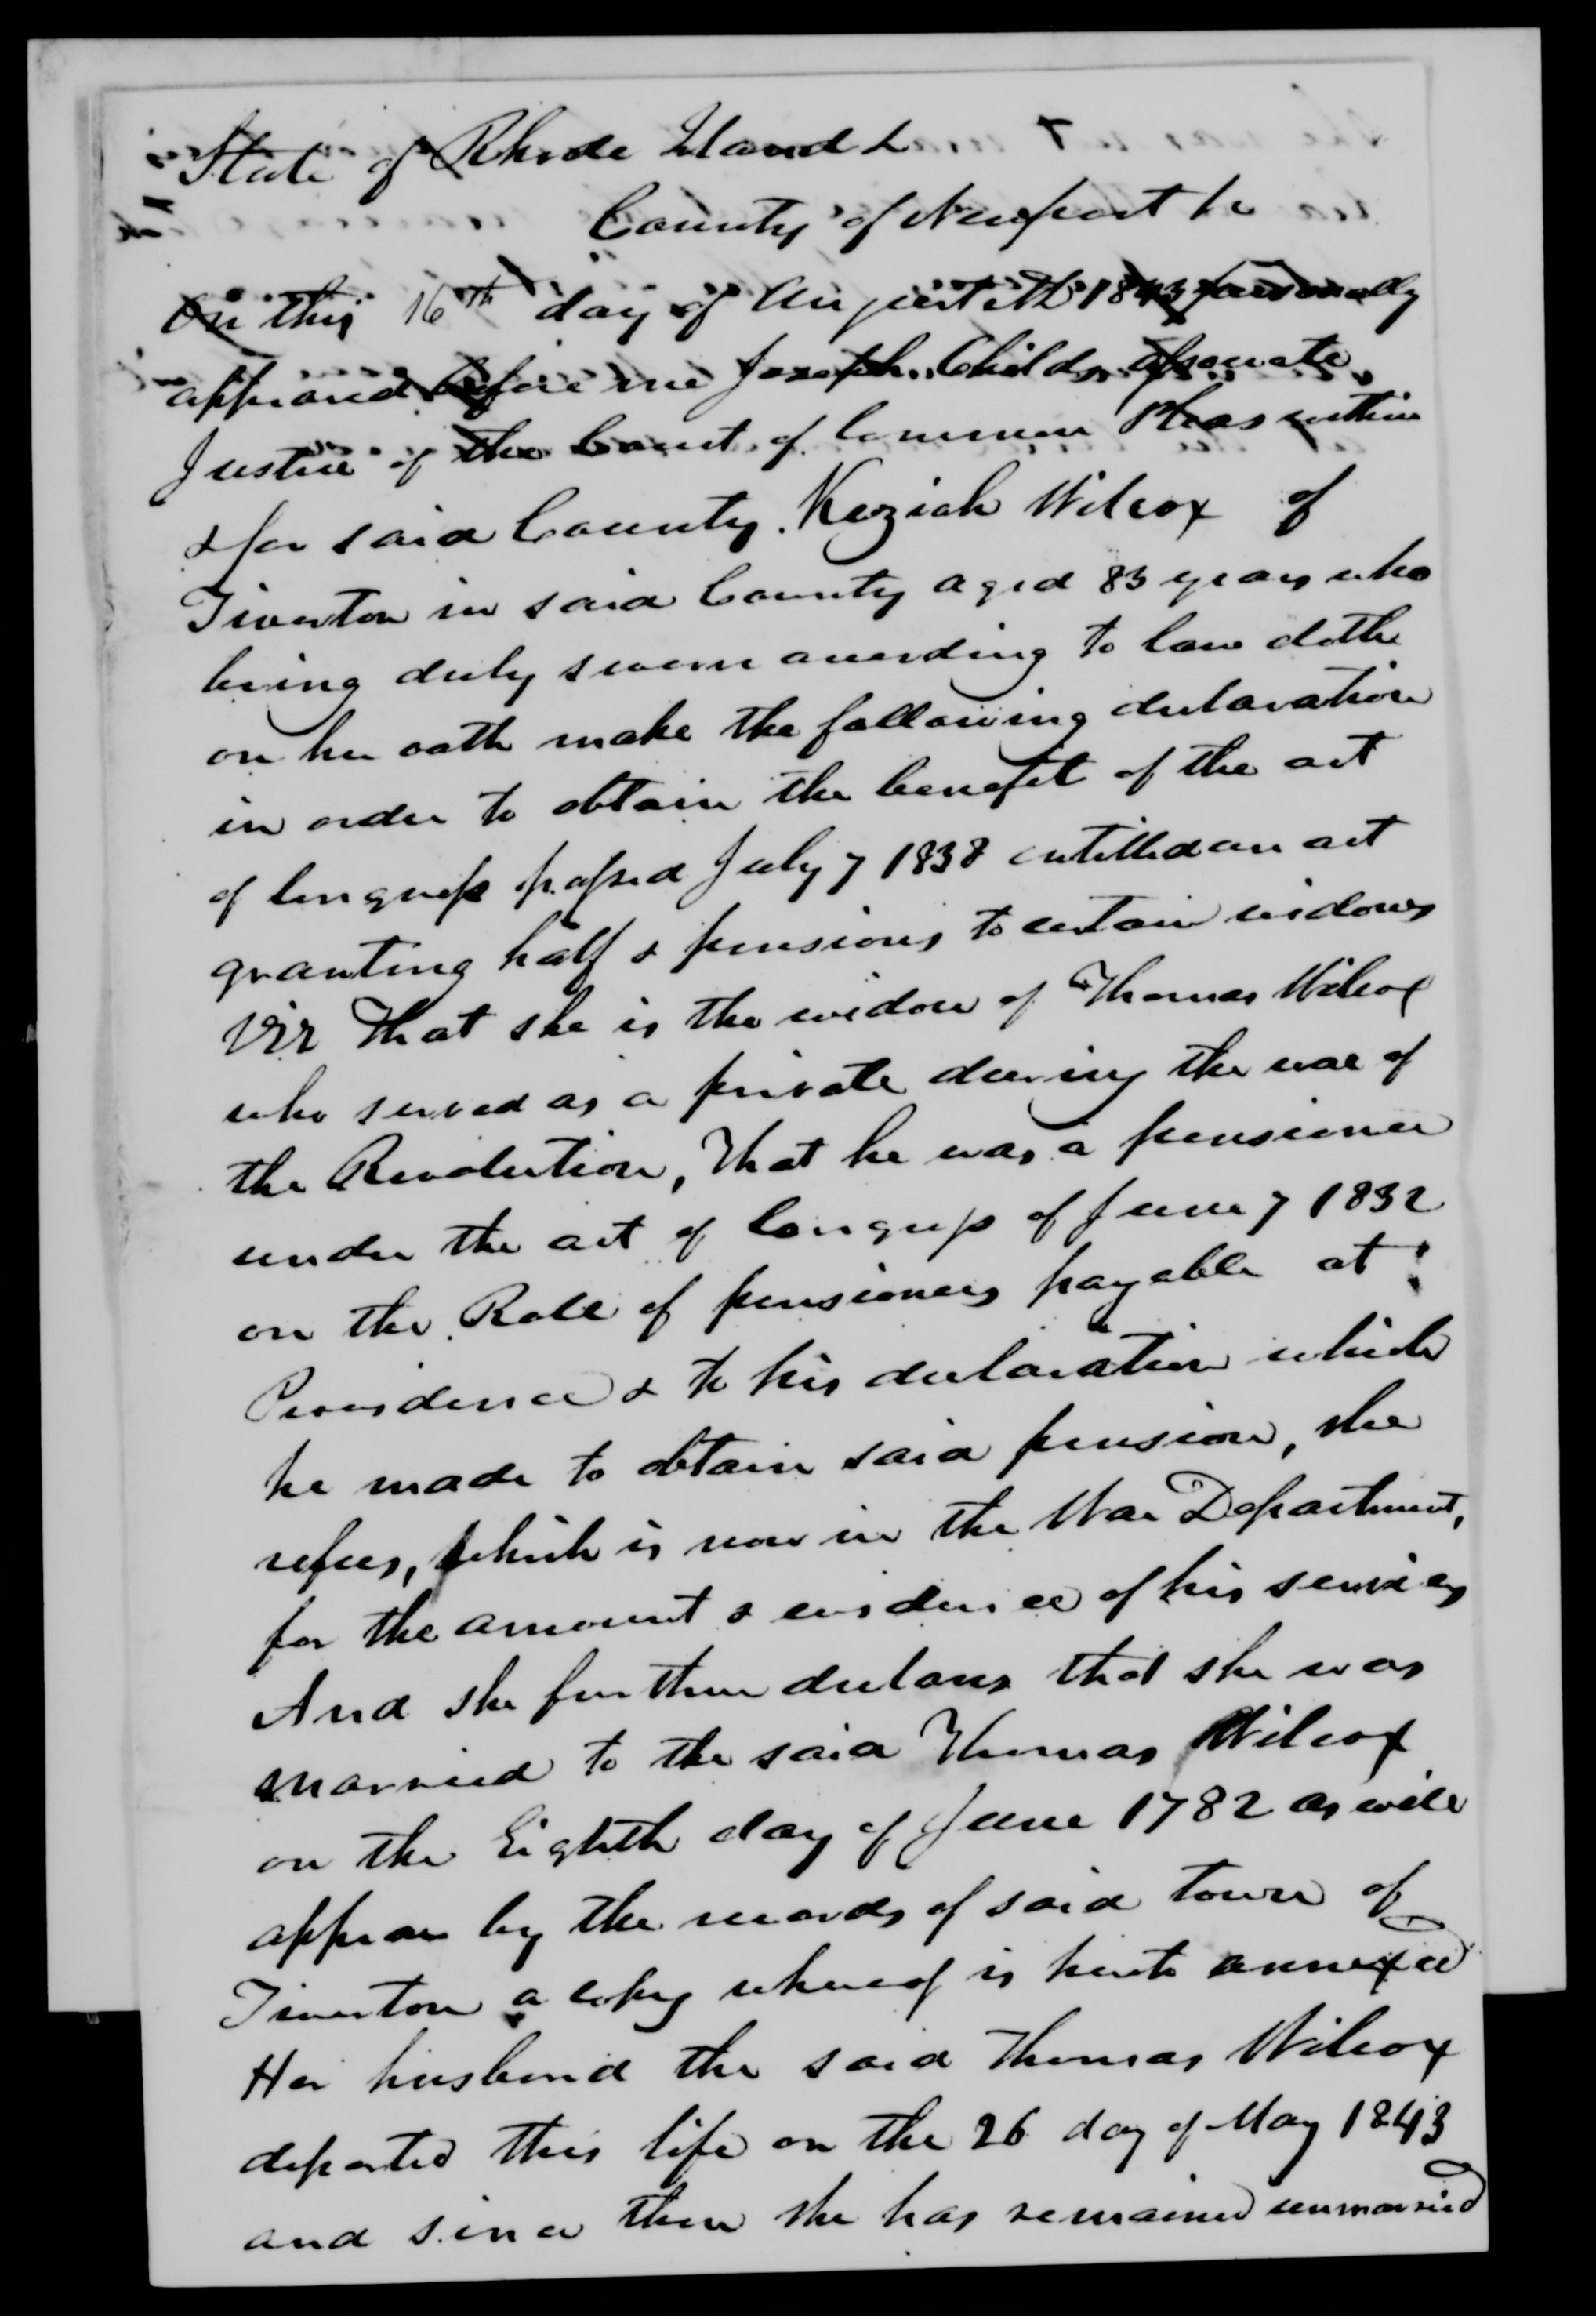State of Rhode Island
County of Newport

On this 16th day of August 1843 [illegible]
affirmed before me Joseph, Chief associate
Justice of the Court of Common Pleas within
&
for said County. Keziah Wilcox of
Tiverton in said County aged 83 years who
being duly sworn according to law doth
on her oath make the following declaration
in order to obtain the benefit of the act
of [illegible] [illegible] on July 7 1838 entitled an act granting half of pensions to certain widows
Sir [?] that she is the widow of Thomas Wilcox
who served as a private during the war of
the Revolution, that he was a pensioner
under the act of Congress of June 7 1832
on the Roll of pensioners payable at
Providence & to his declaration which
he made to obtain said pension, [illegible]
refers, which is now in the War Department,
for the amount & evidence of his services.
And she further declares that she was
married to the said Thomas Wilcox
on the Eighth day of June 1782 as will
appear by the records of said town of
Tiverton a copy whereof is hereto annexed
Her husband the said Thomas Wilcox
departed this life on the 26 day of May 1843
and since then she has remained unmarried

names: Joseph Childs, Thomas Wilcox, Keziah Wilcox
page: 5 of 39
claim: widow's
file: W. 26046, Thomas Willcox, R.I.